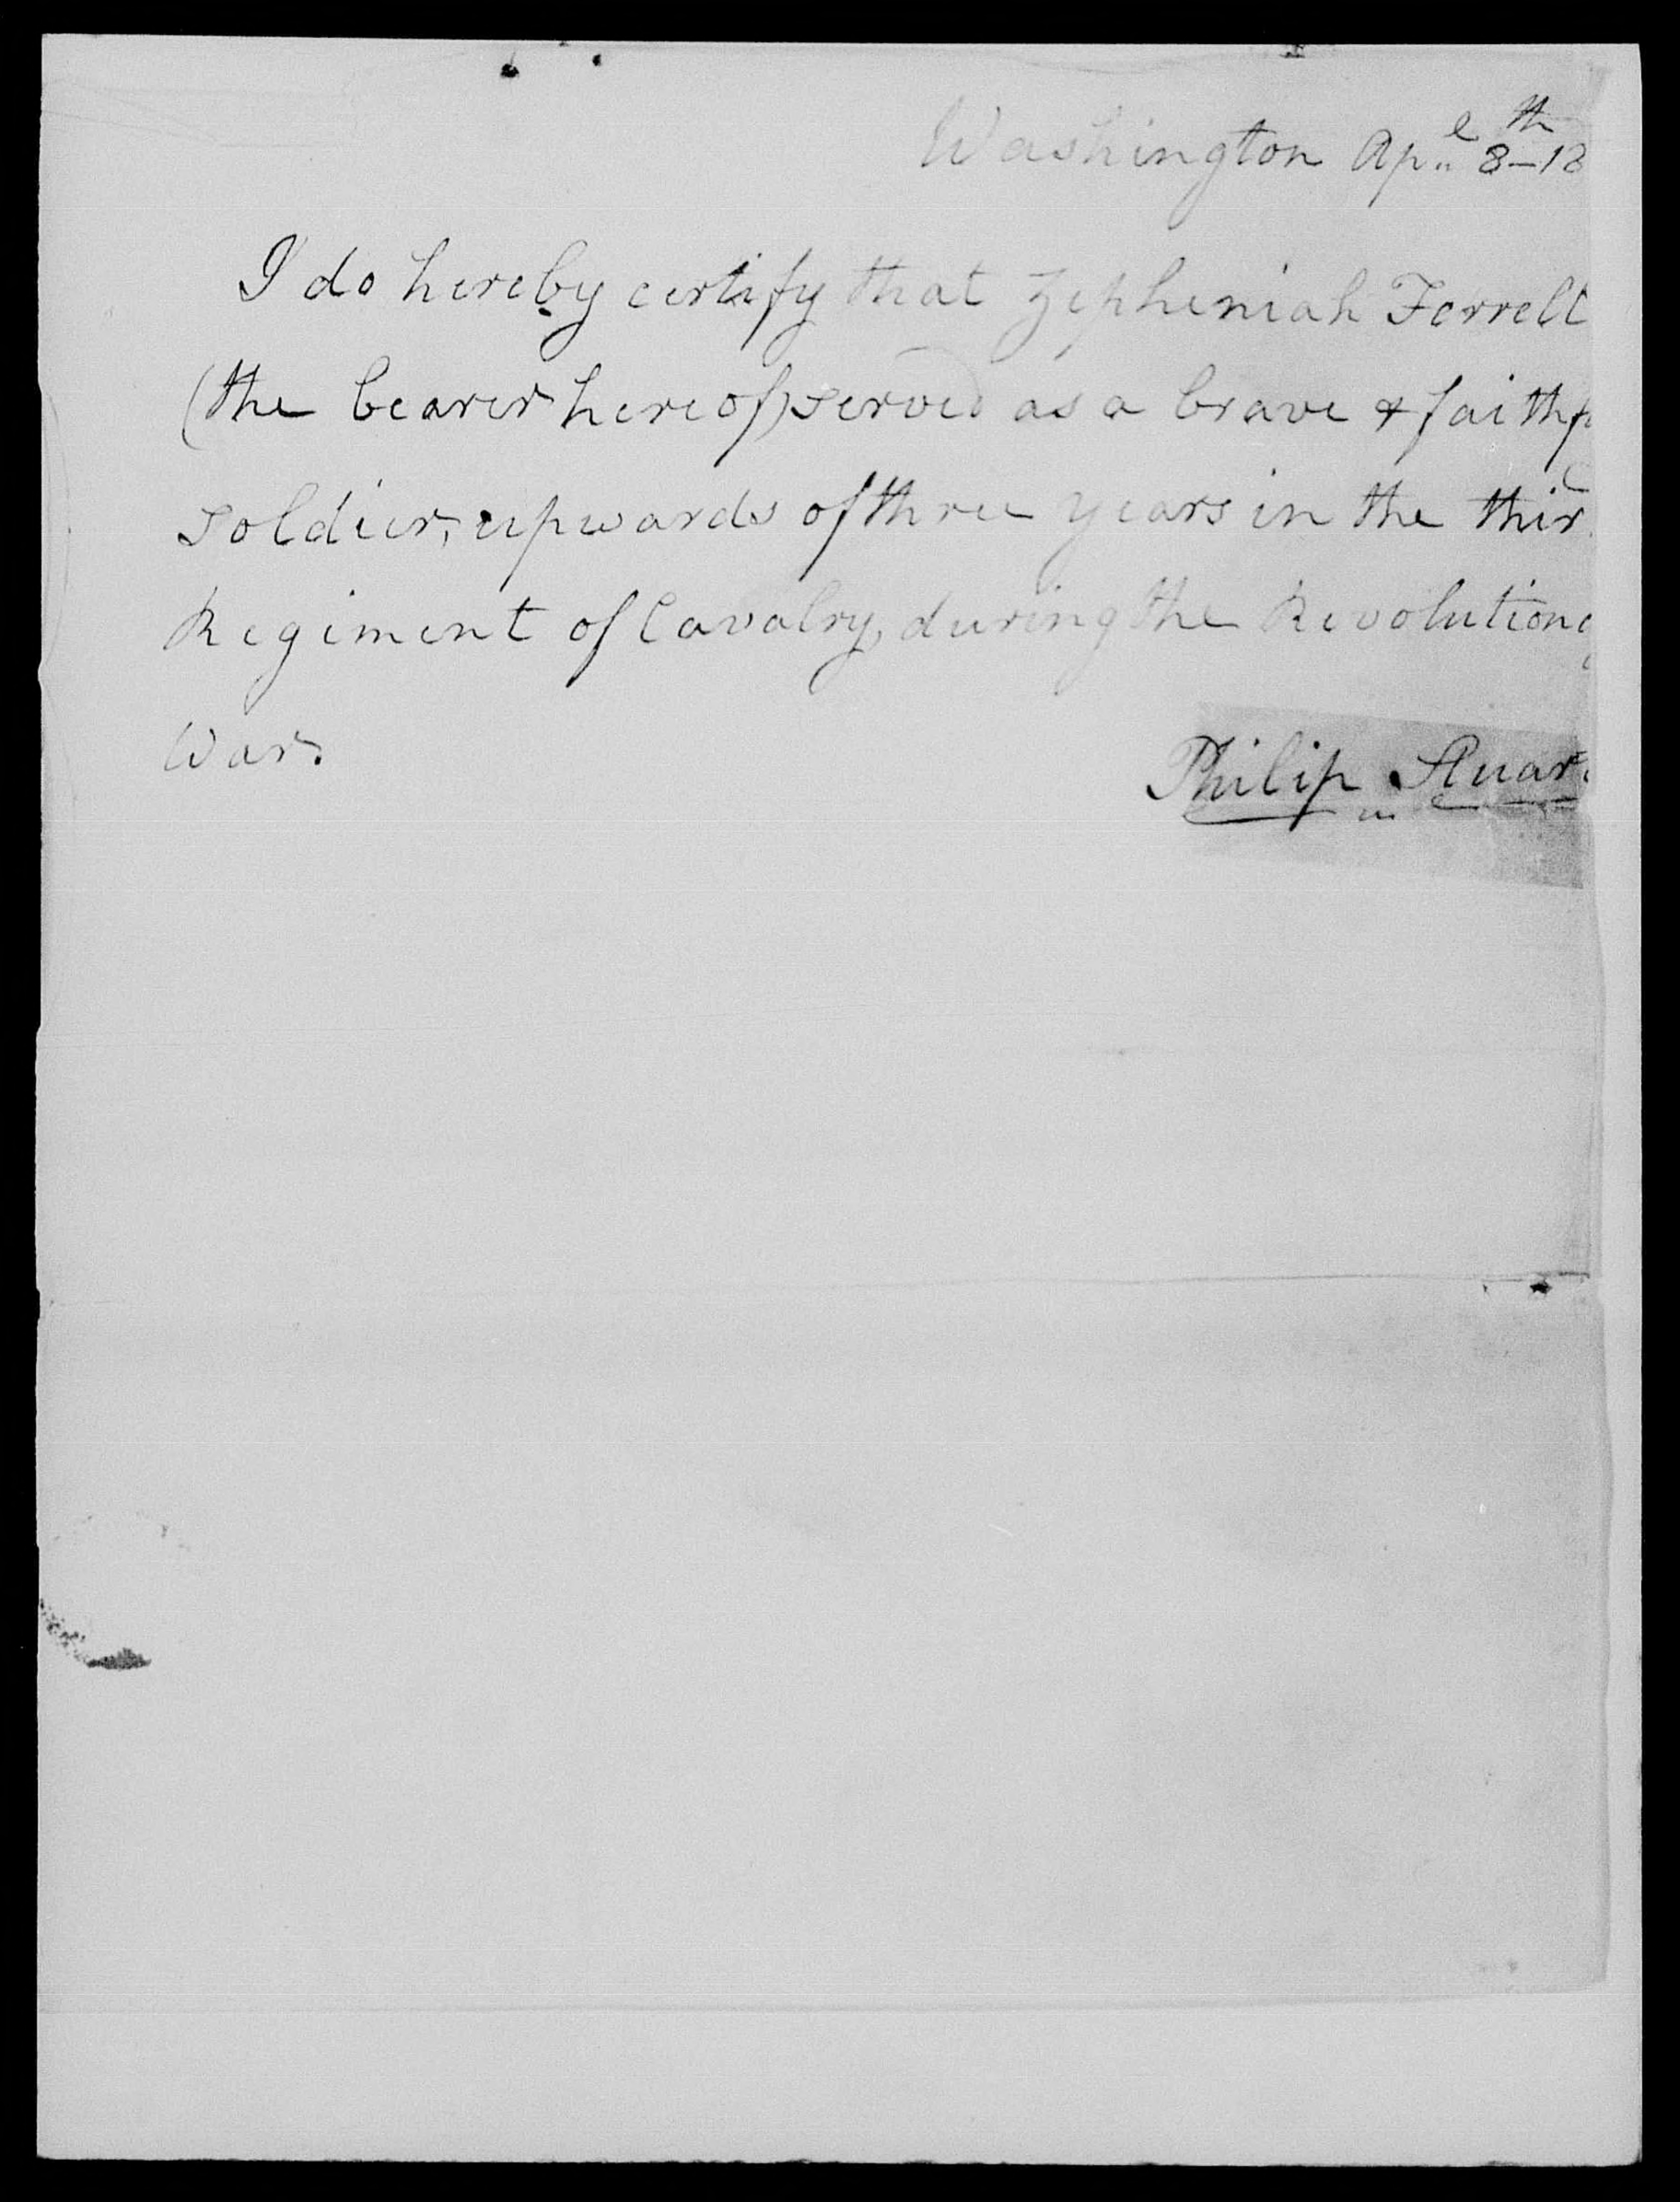Washington Apr. 8th 18[18]

I do hereby certify that Zephaniah Ferrell (the bearer hereof) served as a brave & faithful soldier, upwards of three years in the third Regiment of Cavalry, during the Revolutionary War. 

[Signed]
Philip Stuart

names: Zepheniah Ferrell, Philip Stuart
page: 5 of 12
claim: survivor's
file: S. 35928, Zephaniah Ferrill, Cont. (Va)